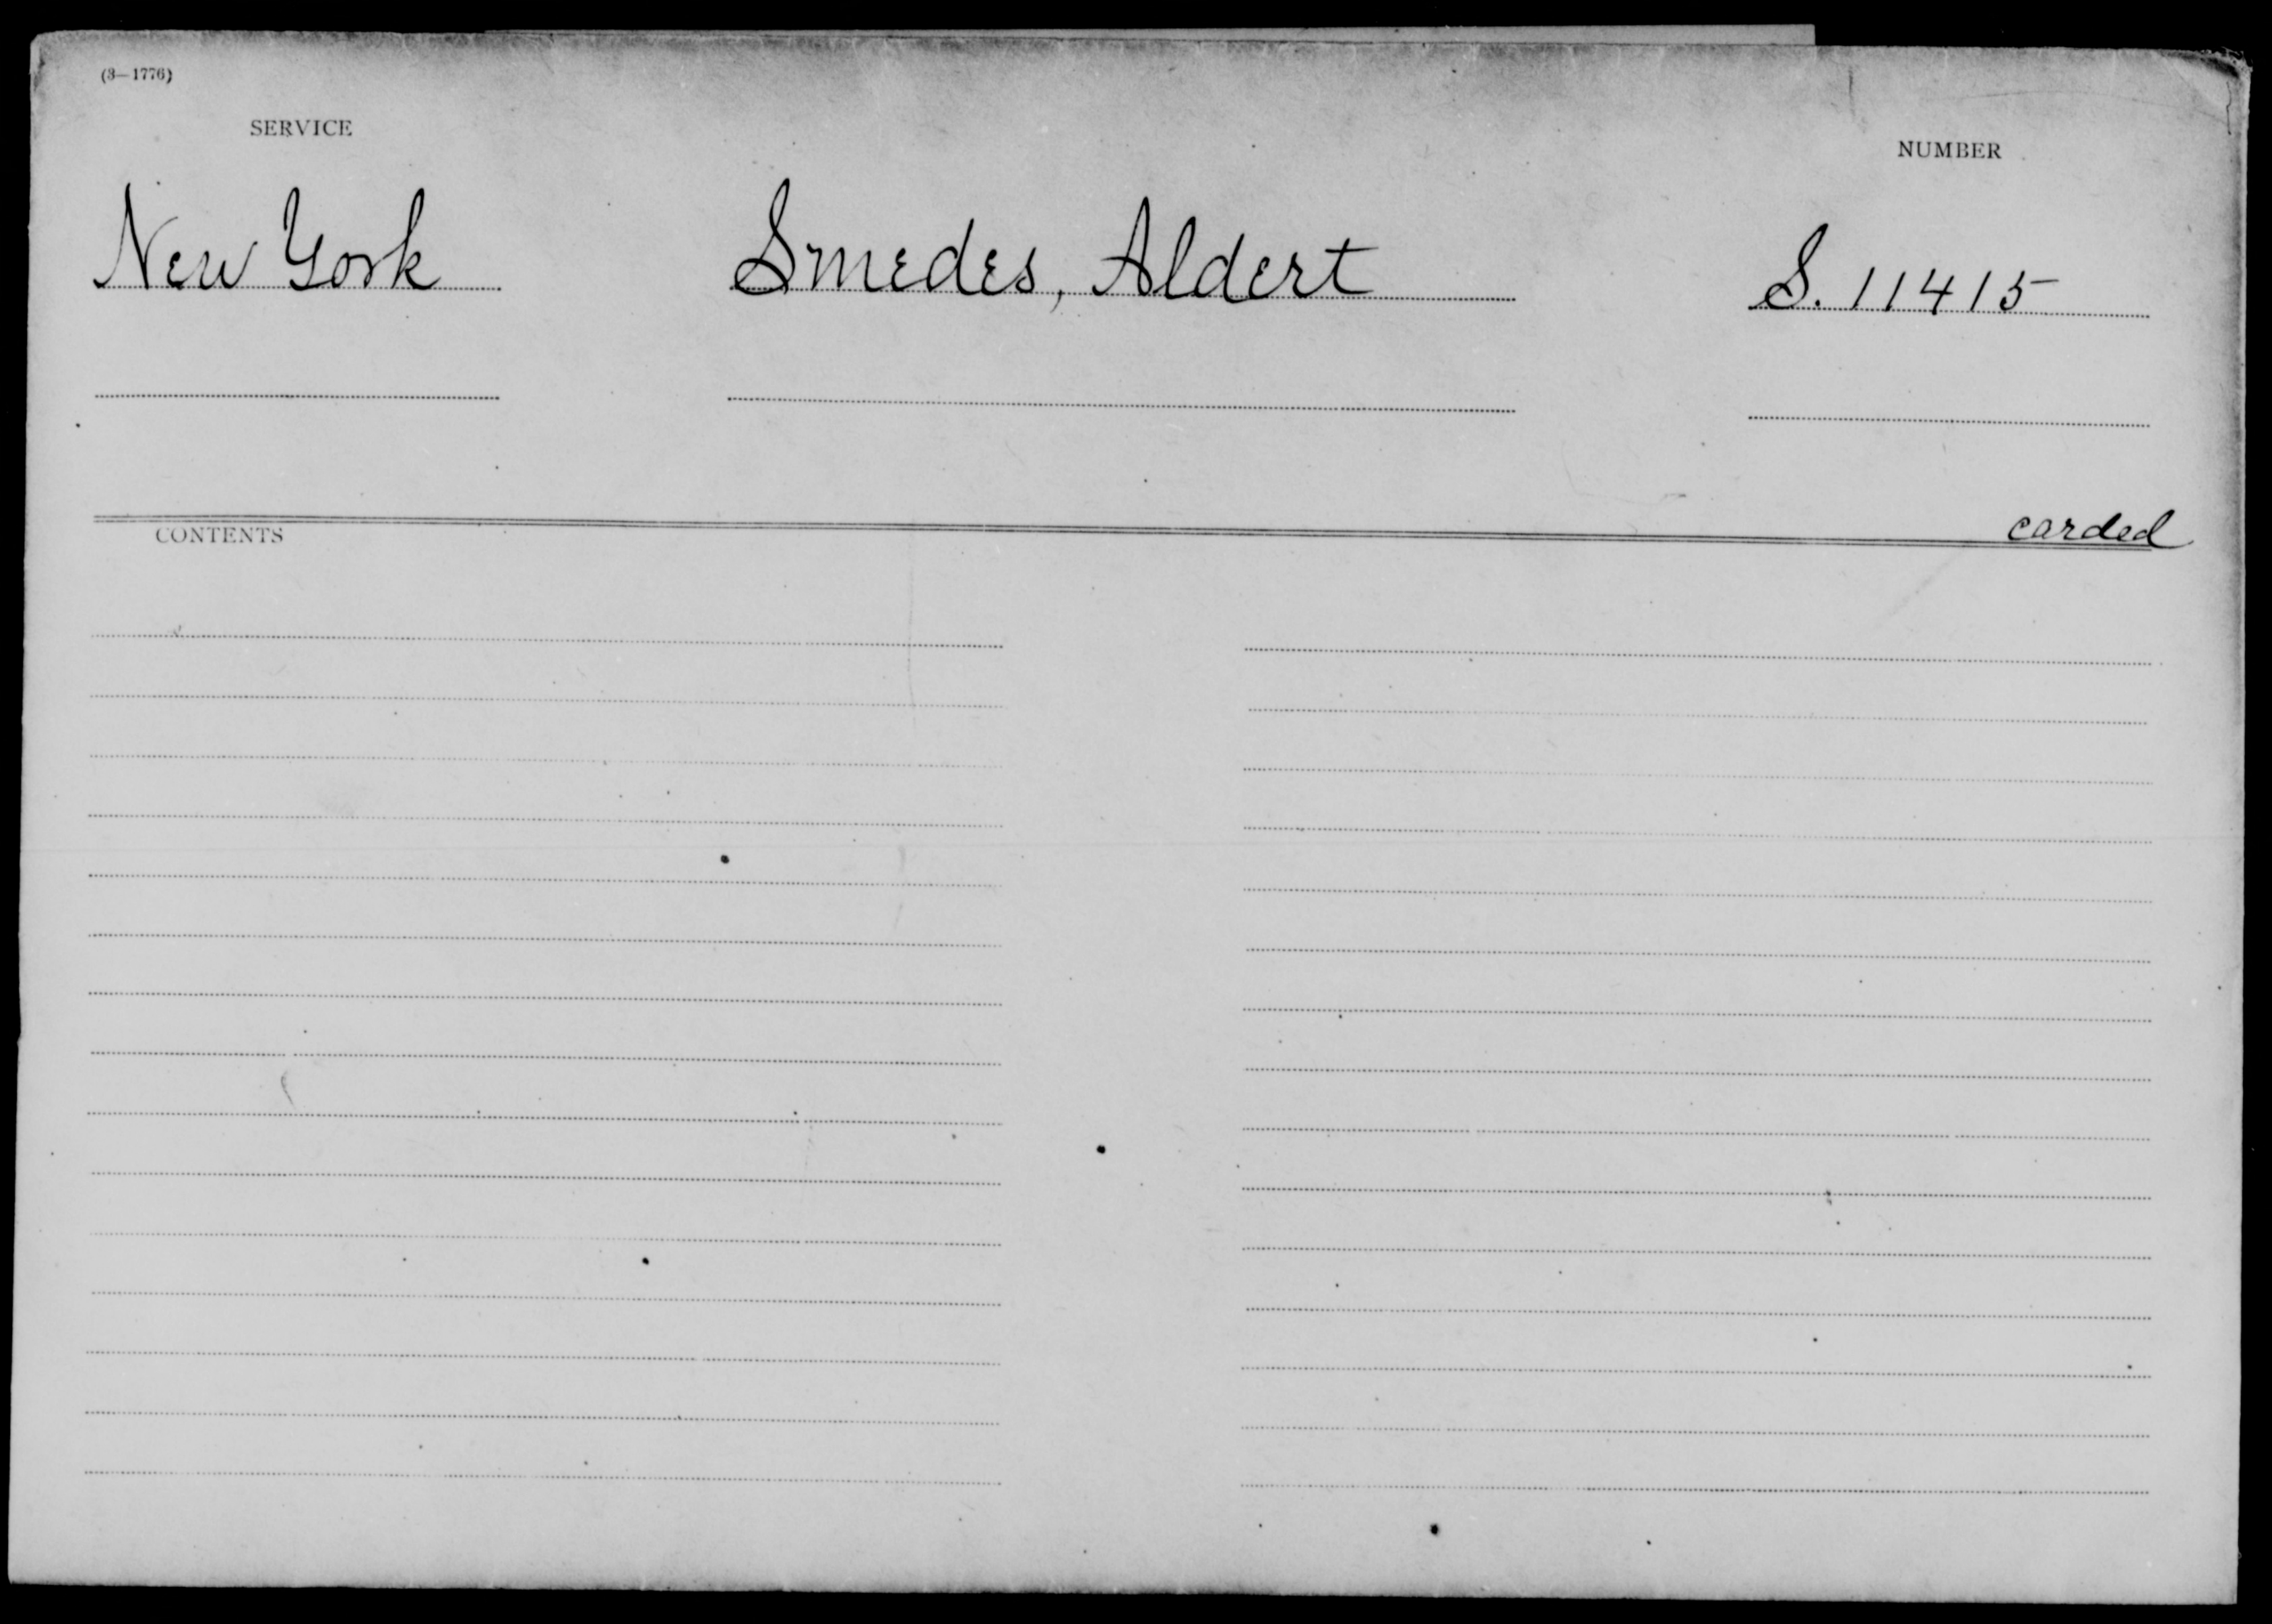(3-1776)
SERVICE
New York

Smedes, Aldert

NUMBER
S. 11415

carded

CONTENTS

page: 1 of 29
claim: survivor's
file: S. 11415, for Aldert Smedes, New York